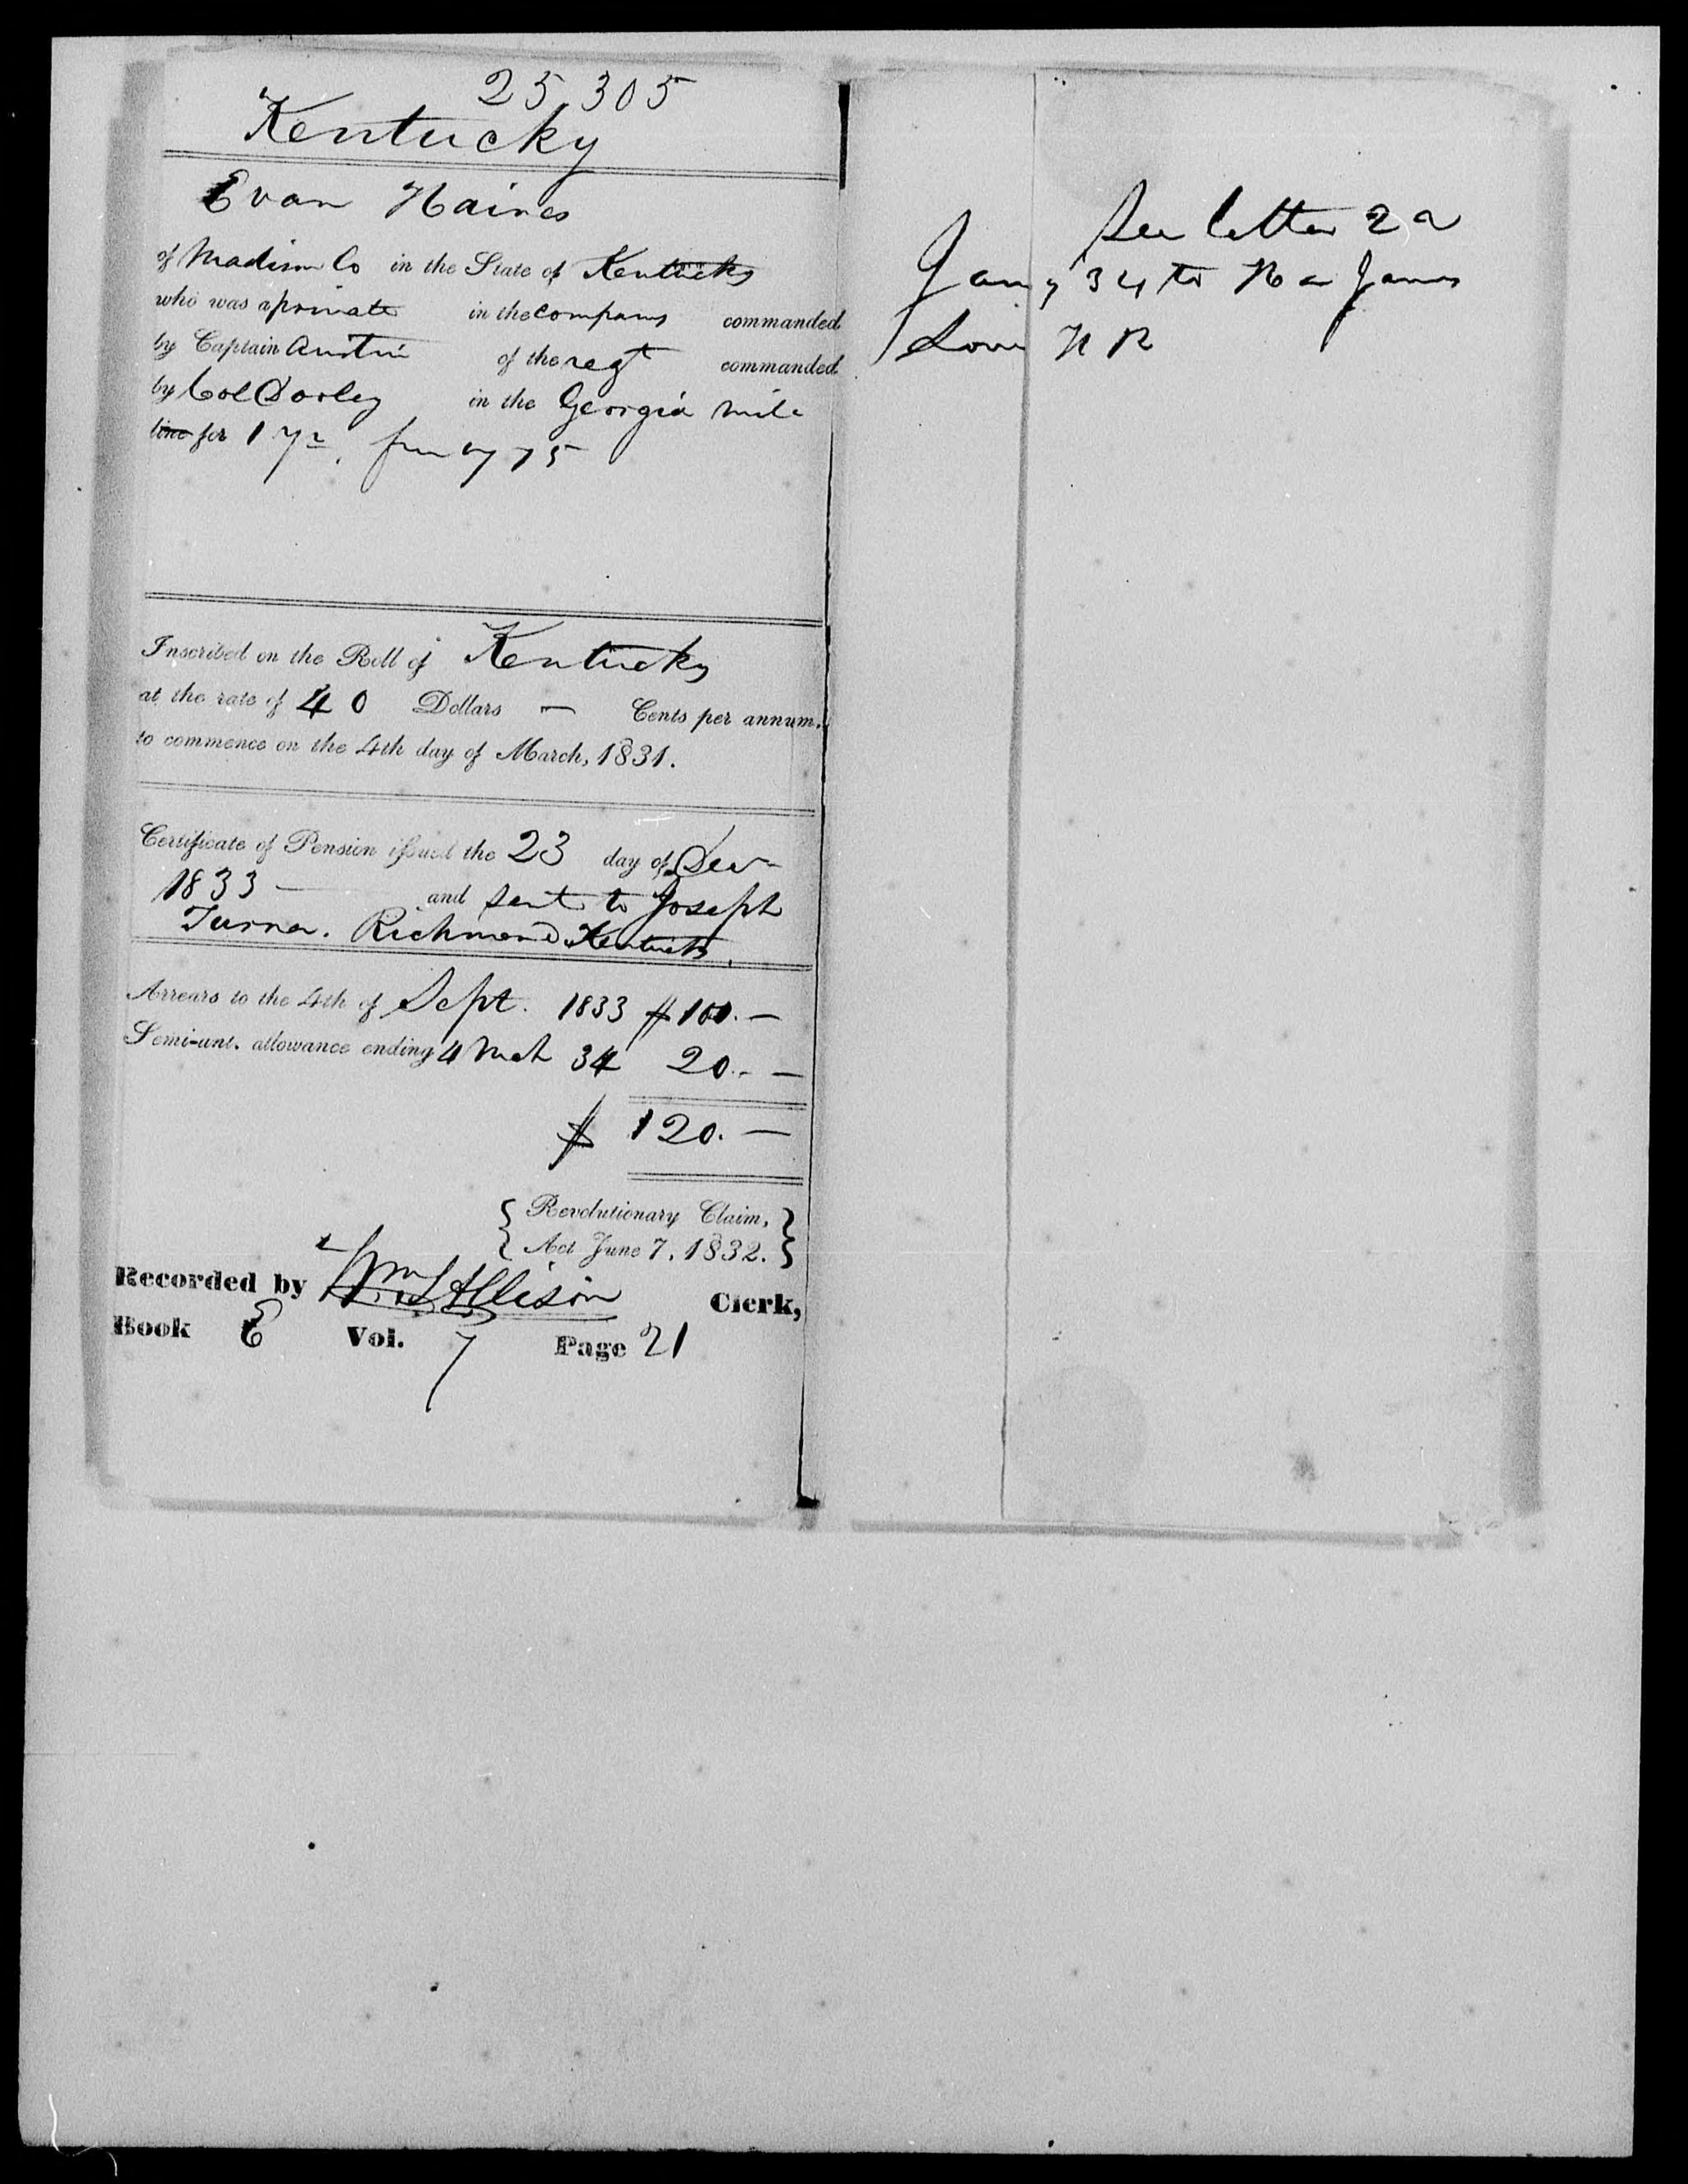25305
Kentucky
Evan Haines
of Madison Co in the State of Kentucky
who was a private in the company commanded by Captain Austin of the regiment commanded by Col Dooley in the Georgia mili
[line - crossed out] for 1 year [unreadable] 75
Inscribed on the Roll of Kentucky at the rate of 40 Dollars Cents per annum, to commence on the 4th day of March 1831.
Certificate of Pension issued the 23 day of Dec 1833 and sent to Joseph Turner. Richmond Kentucky. 
Arrears to the 4th of Sept 1833 #100
Semi-anl allowance ending 4 mar 34 $20
$120
Revolutionary Claim, Act June 7, 1832.
Recorded by Wm S Allison Clerk, Book 6 Vol. 7 Page 21
Per letter 2nd
Jan 34 to James Loni Jr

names: Wm S Allison, Joseph Turner, James Loni, Evan Haines, Dooley, Austin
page: 2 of 34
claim: widow's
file: W. 8897, Evan Haines, Ga